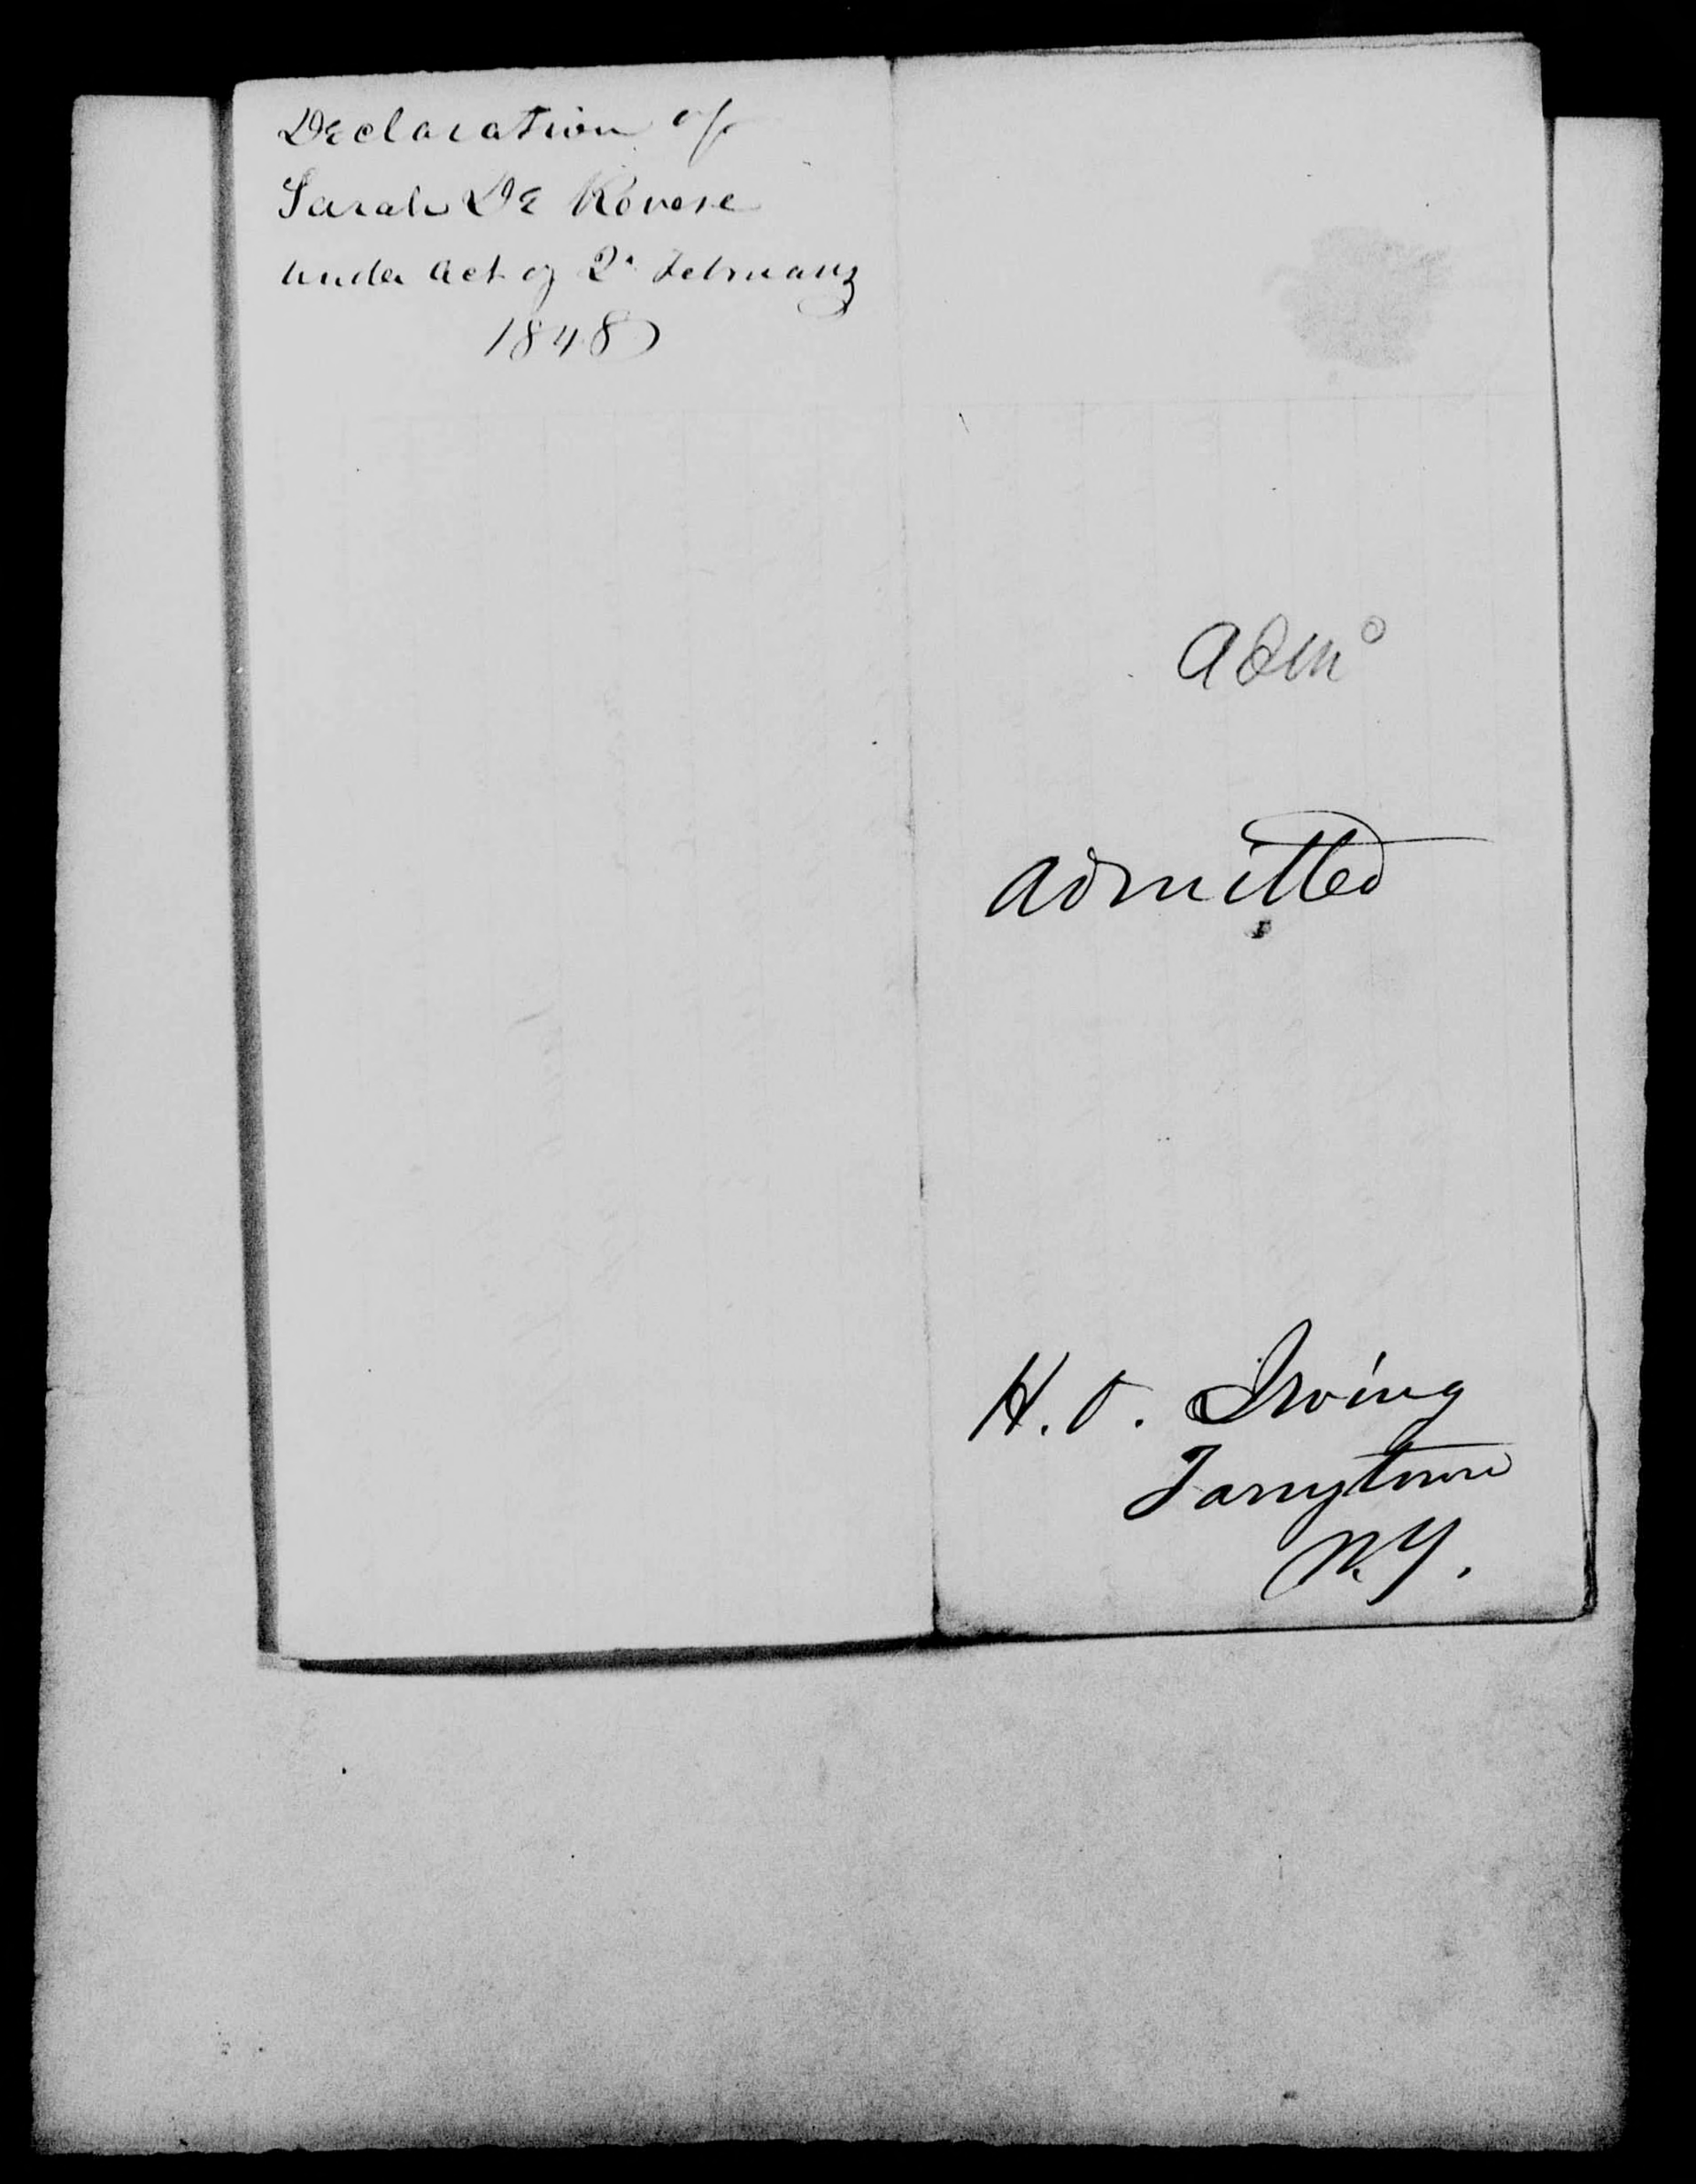[page folded vertically]

[On left side of folded page:]

Declaration of Sarah DeRevere under act of 2 February 1848

[On right side of folded page:]

Adm
Admitted
H.O. Irving
Tarrytown
N.Y.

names: H L Irving, Sarah De Revere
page: 22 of 40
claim: widow's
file: W. 24057, Cornelius De Revere, New York